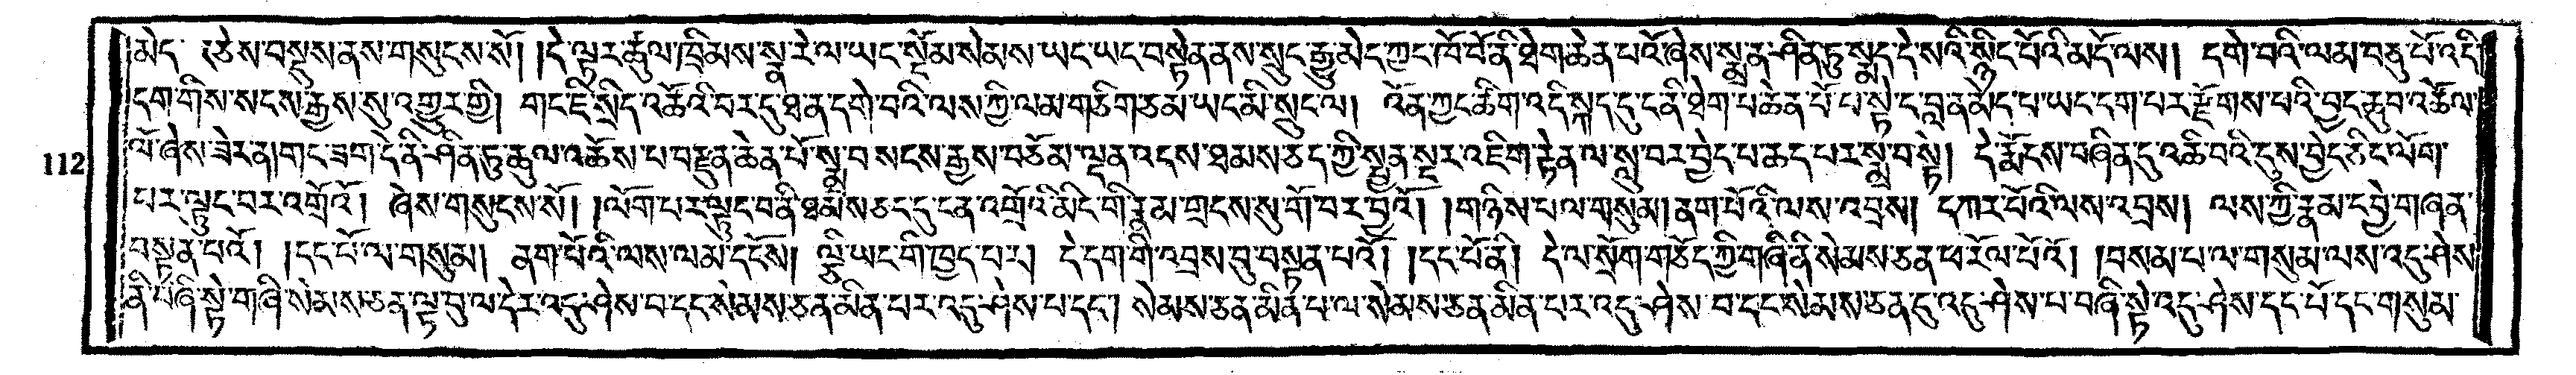མེད་།ཅེས་བསྡུས་ནས་གསུངས་སོ། །དེ་ལྟར་ཁྲིམས་སྣ་རེ་ལ་ཡང་སྡོམ་སེམས་ཡང་ཡང་བསྟེན་ནས་སྲུང་རྒྱུ་མེད་ཀྱང་ཁོ་བོ་ནི་ཐེག་ཆེན་པའོ་ཞེས་སྨྲ་ན་ཤིན་ཏུ་སྨད་དེ་སའི་སྙིང་པོའི་མདོ་ལས། དགེ་བའི་ལམ་བཅུ་པོ་འདི་
དག་གིས་སངས་རྒྱས་སུ་འགྱུར་གྱི། གང་ཇི་སྲིད་འཚོའི་བར་དུ་ཐ་ན་དགེ་བའི་ལས་ཀྱི་ལམ་གཅིག་ཅམ་ཡང་མི་སྲུང་ལ། འོན་ཀྱང་ཚིག་འདི་སྐད་དུ་ང་ནི་ཐེག་པ་ཆེན་པོ་པ་སྟེ་ང་བླ་ན་མེད་པ་ཡང་དག་པར་རྫོགས་པའི་བྱང་ཆུབ་འཚོལ་
ལོ་ཞེས་ཟེར་ན། གང་ཟག་དེ་ནི་ཤིན་ཏུ་ཆུལ་འཆོས་པ་བརྫུན་ཆེན་པོ་སྨྲ་བ་སངས་རྒྱས་བཅོམ་ལྡན་འདས་ཐམས་ཅད་ཀྱི་སྤྱན་སྔར་འཇིག་རྟེན་ལ་སླུ་བར་བྱེད་པ་ཆད་པར་སྨྲ་བ་སྟེ། དེ་རྨོངས་བཞིན་དུ་འཆི་བའི་དུས་བྱེད་ཅིང་ལོག་
པར་ལྟུང་བར་འགྲོའོ། ཞེས་གསུངས་སོ། །ལོག་པར་ལྟུང་བ་ནི་ཐམས་ཅད་དུ་ངན་འགྲོའི་མིང་གི་རྣམ་གྲངས་སུ་གོ་བར་བྱའོ། །གཉིས་པ་ལ་གསུམ། ནག་པོའི་ལས་འབྲས། དཀར་པོའི་ལས་འབྲས། ལས་ཀྱི་རྣམ་དབྱེ་གཞན་
བསྟན་པའོ། །དང་པོ་ལ་གསུམ། ནག་པོའི་ལས་ལམ་དངོས། ལྕི་ཡང་གི་ཁྱད་པར། དེ་དག་གི་འབྲས་བུ་བསྟན་པའོ། །དང་པོ་ནི། དེ་ལ་སྲོག་གཅོད་ཀྱི་གཞི་ནི་སེམས་ཅན་ཕ་རོལ་པོའོ། །བསམ་པ་ལ་གསུམ་ལས་འདུ་ཤེས་
ནི་བཞི་སྟེ་གཞི་སེམས་ཅན་ལྟ་བུ་ལ་དེར་འདུ་ཤེས་བ་དང་སེམས་ཅན་མིན་པར་འདུ་ཤེས་པ་དང་། སེམས་ཅན་མིན་པ་ལ་སེམས་ཅན་མིན་པར་འདུ་ཤེས་བ་དང་སེམས་ཅན་དུ་འདུ་ཤེས་པ་བཞི་སྟེ་འདུ་ཤེས་པ་དང་པོ་དང་གསུམ་